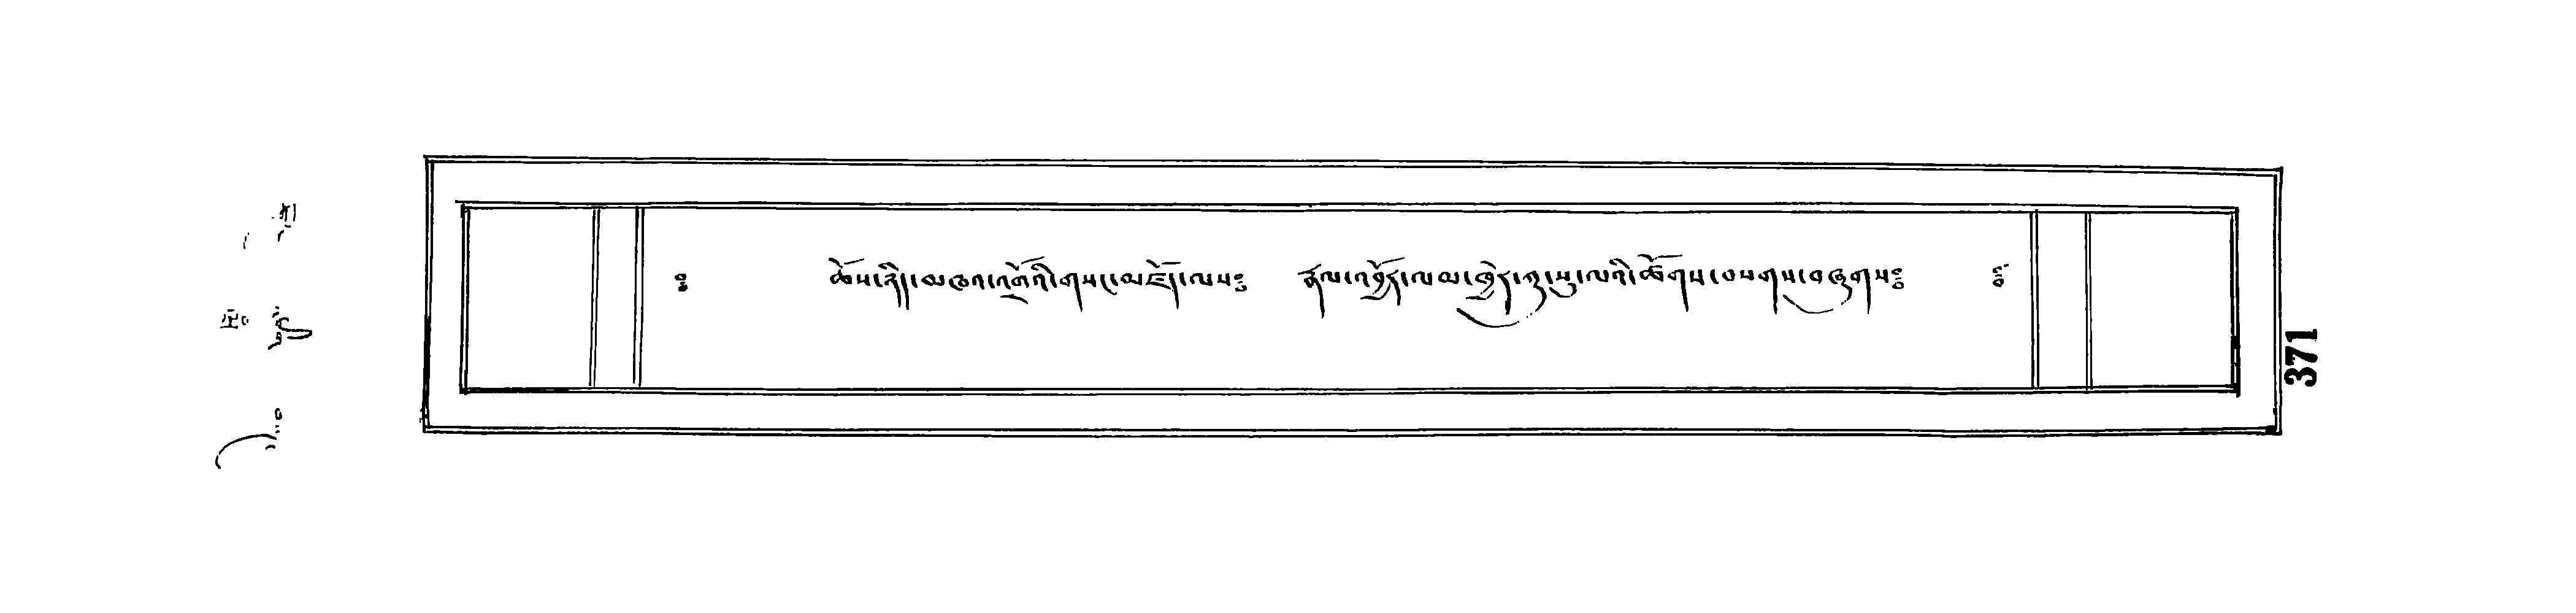ཆོས་ཉིད་མཁའ་འགྲོའི་གསང་མཛོད་ལས༔ རྣལ་འབྱོར་ལམ་ཁྱེར་ཀུ་སུ་ལའི་ཚོགས་བསགས་བཞུགས༔